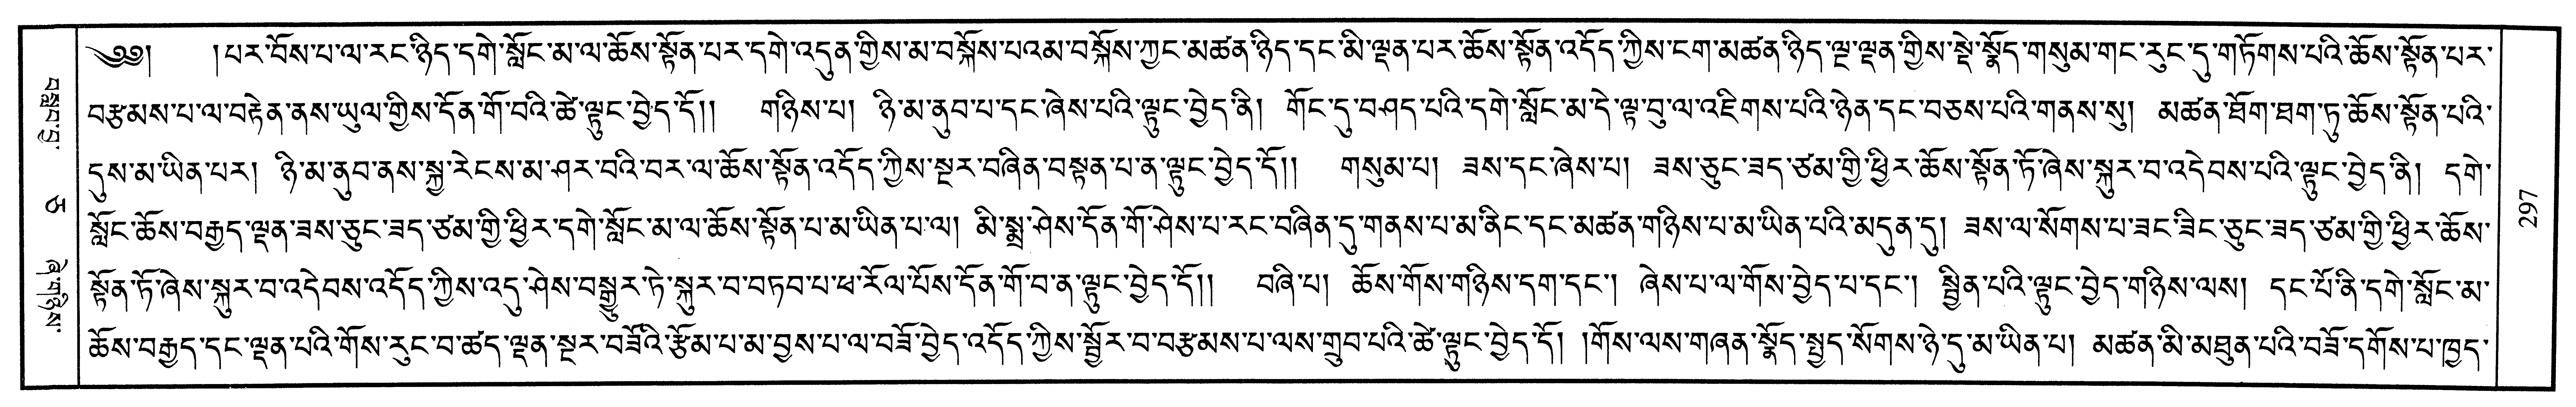༄༅། །པར་བོས་པ་ལ་རང་ཉིད་དགེ་སློང་མ་ལ་ཆོས་སྟོན་པར་དགེ་འདུན་གྱིས་མ་བསྐོས་པའམ་བསྐོས་ཀྱང་མཚན་ཉིད་དང་མི་ལྡན་པར་ཆོས་སྟོན་འདོད་ཀྱིས་ངག་མཚན་ཉིད་ལྔ་ལྡན་གྱིས་སྡེ་སྣོད་གསུམ་གང་རུང་དུ་གཏོགས་པའི་ཆོས་སྟོན་པར་
བརྩམས་པ་ལ་བརྟེན་ནས་ཡུལ་གྱིས་དོན་གོ་བའི་ཚེ་ལྟུང་བྱེད་དོ།། གཉིས་པ། ཉི་མ་ནུབ་པ་དང་ཞེས་པའི་ལྟུང་བྱེད་ནི། གོང་དུ་བཤད་པའི་དགེ་སློང་མ་དེ་ལྟ་བུ་ལ་འཇིགས་པའི་ཉེན་དང་བཅས་པའི་གནས་སུ། མཚན་ཐོག་ཐག་ཏུ་ཆོས་སྟོན་པའི་
དུས་མ་ཡིན་པར། ཉི་མ་ནུབ་ནས་སྐྱ་རེངས་མ་ཤར་བའི་བར་ལ་ཆོས་སྟོན་འདོད་ཀྱིས་སྔར་བཞིན་བསྟན་པ་ན་ལྟུང་བྱེད་དོ།། གསུམ་པ། ཟས་དང་ཞེས་པ། ཟས་ཅུང་ཟད་ཙམ་གྱི་ཕྱིར་ཆོས་སྟོན་ཏོ་ཞེས་སྐུར་བ་འདེབས་པའི་ལྟུང་བྱེད་ནི། དགེ་
སློང་ཆོས་བརྒྱད་ལྡན་ཟས་ཅུང་ཟད་ཙམ་གྱི་ཕྱིར་དགེ་སློང་མ་ལ་ཆོས་སྟོན་པ་མ་ཡིན་པ་ལ། མི་སྨྲ་ཤེས་དོན་གོ་ཤེས་པ་རང་བཞིན་དུ་གནས་པ་མ་ནིང་དང་མཚན་གཉིས་པ་མ་ཡིན་པའི་མདུན་དུ། ཟས་ལ་སོགས་པ་ཟང་ཟིང་ཅུང་ཟད་ཙམ་གྱི་ཕྱིར་ཆོས་
སྟོན་ཏོ་ཞེས་སྐུར་བ་འདེབས་འདོད་ཀྱིས་འདུ་ཤེས་བསྒྱུར་ཏེ་སྐུར་བ་བཏབ་པ་ཕ་རོལ་པོས་དོན་གོ་བ་ན་ལྟུང་བྱེད་དོ།། བཞི་པ། ཆོས་གོས་གཉིས་དག་དང་། ཞེས་པ་ལ་གོས་བྱེད་པ་དང་། སྦྱིན་པའི་ལྟུང་བྱེད་གཉིས་ལས། དང་པོ་ནི་དགེ་སློང་མ་
ཆོས་བརྒྱད་དང་ལྡན་པའི་གོས་རུང་བ་ཚད་ལྡན་སྔར་བཟོའི་རྩོམ་པ་མ་བྱས་པ་ལ་བཟོ་བྱེད་འདོད་ཀྱིས་སྦྱོར་བ་བརྩམས་པ་ལས་གྲུབ་པའི་ཚེ་ལྟུང་བྱེད་དོ། །གོས་ལས་གཞན་སྣོད་སྤྱད་སོགས་ཉེ་དུ་མ་ཡིན་པ། མཚན་མི་མཐུན་པའི་བཟོ་དགོས་པ་ཁྱད་